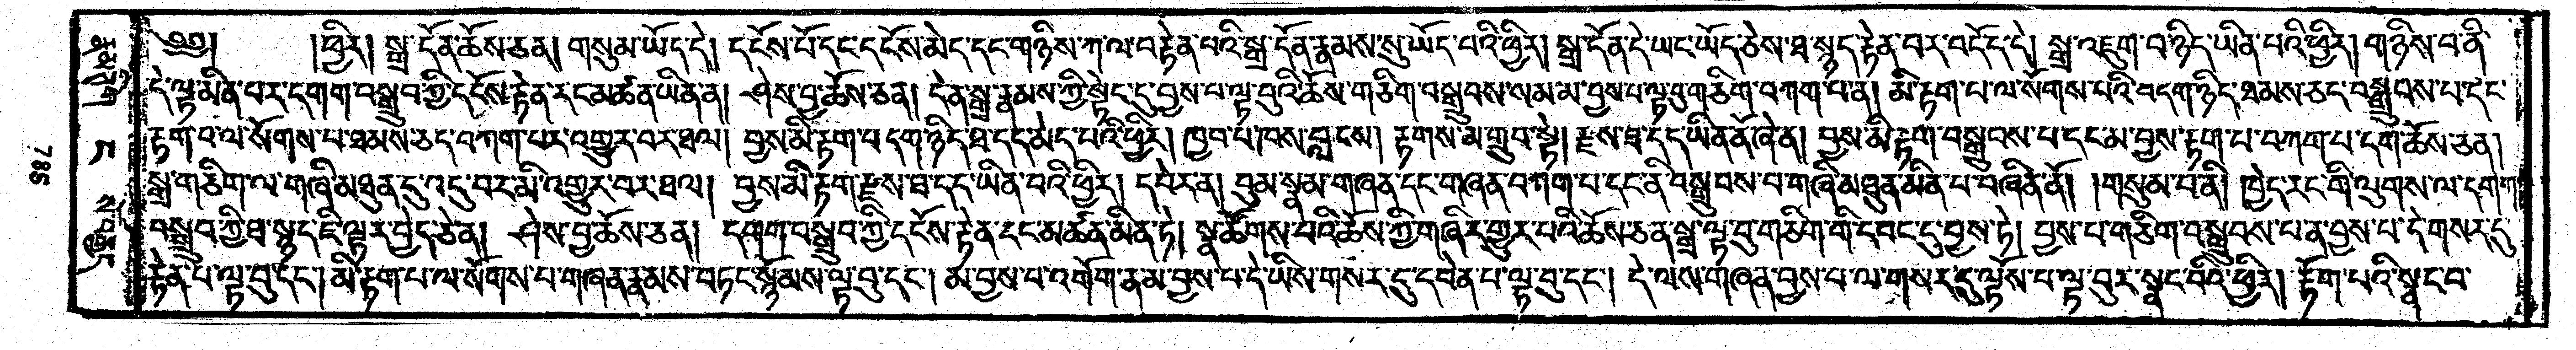༄༅། །ཕྱིར། སྒྲ་དོན་ཆོས་ཅན། གསུམ་ཡོད་དེ། དངོས་པོ་དང་དངོས་མེད་དང་གཉིས་ཀ་ལ་བརྟེན་པའི་སྒྲ་དོན་རྣམས་སུ་ཡོད་པའི་ཕྱིར། སྒྲ་དོན་དེ་ཡང་ཡོད་ཅེས་ཐ་སྙད་རྟེན་བར་བདོད་དེ། སྒྲ་འཇུག་བ་ཉིད་ཡིན་པའི་ཕྱིར། གཉིས་བ་ནི་
དེ་ལྟ་མིན་པར་དགག་བསྒྲུབ་ཀྱི་དངོས་རྟེན་རང་མཚན་ཡིན་ན། ཤེས་བྱ་ཆོས་ཅན། དེ་ན་སྒྲ་རྣམས་ཀྱི་སྟེང་དུ་བྱས་པ་ལྟ་བུའི་ཆོས་གཅིག་བསྒྲུབས་སམ་མ་བྱས་པ་ལྟ་བུ་གཅིག་བཀག་པ་ན། མི་རྟག་པ་ལ་སོགས་པའི་བདག་ཉིད་ཐམས་ཅད་བསྒྲུབས་པ་དང་
རྟག་བ་ལ་སོགས་པ་ཐམས་ཅད་བཀག་པར་འགྱུར་བར་ཐལ། བྱས་མི་རྟག་པ་དག་ཉིད་ཐ་དད་མེད་པའི་ཕྱིར། ཁྱབ་པ་ཁས་བླངས། རྟགས་མ་གྲུབ་སྟེ། རྫས་ཐ་དད་ཡིན་ནོ་ཞེ་ན། བྱས་མི་རྟག་བསྒྲུབས་པ་དང་མ་བྱས་རྟག་པ་བཀག་པ་དག་ཆོས་ཅན།
སྒྲ་གཅིག་ལ་གཞི་མཐུན་དུ་འདུ་བར་མི་འགྱུར་བར་ཐལ། བྱས་མི་རྟག་རྫས་ཐ་དད་ཡིན་བའི་ཕྱིར། དཔེར་ན། བུམ་སྣམ་གཞན་དང་གཞན་བཀག་པ་དང་ནི་བསྒྲུབས་པ་གཞི་མཐུན་མིན་པ་བཞིན་ནོ། །གསུམ་པ་ནི། ཁྱེད་རང་གི་ལུགས་ལ་དགག་
བསྒྲུབ་ཀྱི་ཐ་སྙད་ཇི་ལྟར་བྱེད་ཅེ་ན། ཤེས་བྱ་ཆོས་ཅན། དགག་བསྒྲུབ་ཀྱི་དངོས་རྟེན་དང་མཚན་མིན་ཏེ། སྣ་ཚོགས་པའི་ཆོས་ཀྱི་གཞིར་གྱུར་པའི་ཆོས་ཅན་སྒྲ་ལྟ་བུ་གཅིག་གི་དབང་དུ་བྱས་ཏེ། བྱས་པ་གཅིག་བསྒྲུབས་པ་ན་བྱས་པ་དེ་གསར་དུ་
རྟེན་པ་ལྟ་བུ་དང་། མི་རྟག་པ་ལ་སོགས་པ་གཞན་རྣམས་བཏང་སྙོམས་ལྟ་བུ་དང་། མ་བྱས་པ་འགོག་ན་མ་བྱས་པ་དེ་ཡིས་གསར་དུ་དབེན་པ་ལྟ་བུ་དང་། དེ་ལས་གཞན་བྱས་པ་ལ་གསར་དུ་ལྟོས་པ་ལྟ་བུར་སྣང་བའི་ཕྱིར། རྟོག་པའི་སྣང་བ་